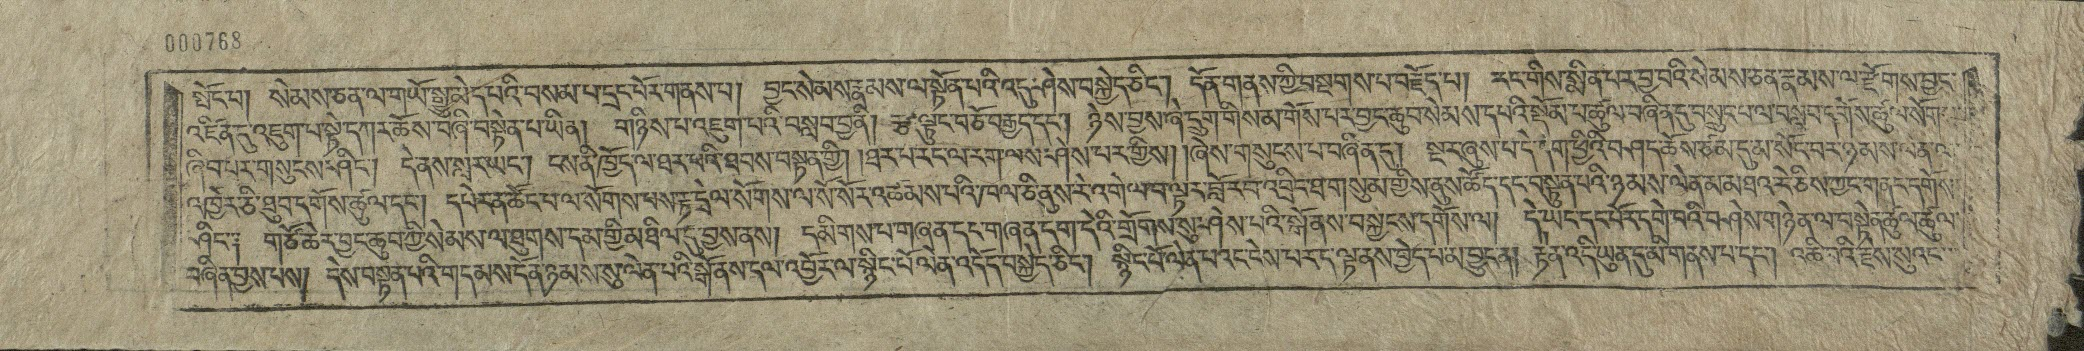སྤོང་བ། སེམས་ཅན་ལ་གཡོ་སྒྱུ་མེད་པའི་བསམ་པ་དྲང་པོར་གནས་པ། བྱང་སེམས་རྣམས་ལ་སྟོན་པའི་འདུ་ཤེས་བསྐྱེད་ཅིང་དོན་གནས་ཀྱི་བསྔགས་པ་བརྗོད་པ། རང་གིས་སྨིན་པར་བྱ་བའི་སེམས་ཅན་རྣམས་ལ་རྫོགས་བྱང་
འཛིན་དུ་འཇུག་པ་སྟེ་དཀར་ཆོས་བཞི་བསྟེན་པ་ཡིན། གཉིས་པ་འཇུག་པའི་བསླབ་བྱ་ནི། རྩ་ལྟུང་བཅོ་བརྒྱད་དང་། ཉེས་བྱས་ཞེ་དྲུག་གིས་མ་གོས་པར་བྱང་ཆུབ་སེམས་དཔའི་སྡོམ་པ་ཚུལ་བཞིན་དུ་བསྲུང་བ་ལ་བསླབ་དགོས་ཚུལ་སོགས་
ཞིབ་པར་གསུངས་ཤིང་། དེ་ནས་སླར་ཡང་། ངས་ནི་ཁྱོད་ལ་ཐར་པའི་ཐབས་བསྟན་གྱི། །ཐར་པ་རང་ལ་རག་ལས་ཤེས་པར་གྱིས། །ཞེས་གསུངས་པ་བཞིན་དུ། སྔར་ཞུས་པ་དེ་དག་ཕྱིའི་བཤད་ཆོས་ཙམ་དུ་མ་སོང་བར་ཉམས་ལེན་ལ་
འཁྱེར་ཅི་ཐུབ་དགོས་ཚུལ་དང་། དཔེར་ན་ཚོང་པ་ལ་སོགས་པས་རྟ་དྲེལ་སོགས་ལ་སོ་སོར་འཚམས་པའི་ཁལ་ཅི་ནུས་རེ་འགེལ་བ་ལྟར་བློ་རབ་འབྲིང་ཐ་གསུམ་གྱིས་ནུས་ཚོད་དང་བསྟུན་པའི་ཉམས་ལེན་མ་མཐའ་རེ་ཅིས་ཀྱང་གནང་དགོས་
ཤིང༑ གཙོ་ཆེར་བྱང་ཆུབ་ཀྱི་སེམས་ལ་ཐུགས་དམ་གྱི་མཐིལ་དུ་བྱས་ནས། དམིགས་པ་གཞན་དང་གཞན་དག་དེའི་གྲོགས་སུ་ཤེས་པའི་སྒོ་ནས་བསྐྱངས་དགོས་ལ། དེ་ཡང་དང་པོར་དགེ་བའི་བཤེས་གཉེན་ལ་བསྟེན་ཚུལ་ཚུལ་
བཞིན་བྱས་པས། དེས་བསྟན་པའི་གདམས་དོན་ཉམས་སུ་ལེན་པའི་སྒོ་ནས་དལ་འབྱོར་ལ་སྙིང་པོ་ལེན་འདོད་བསྐྱེད་ཅིང་། སྙིང་པོ་ལེན་པའང་ངེས་པར་ད་ལྟ་ནས་བྱེད་པ་མ་བྱུང་ན། རྟེན་འདི་ཡུན་དུ་མི་གནས་པ་དང་། འཆི་བའི་རྗེས་སུའང་